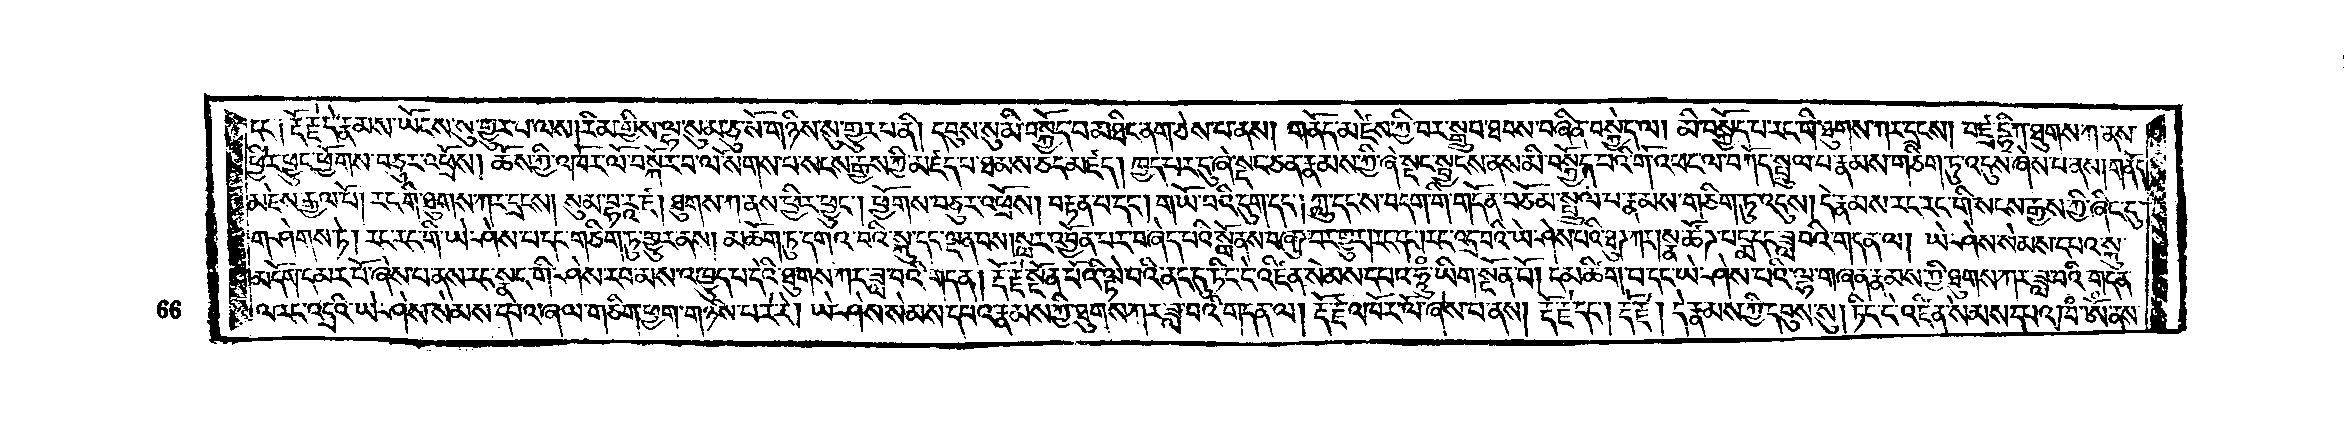དང་། རྡོ་རྗེ་དེ་རྣམས་ཡོངས་སུ་གྱུར་པ་ལས། རིམ་གྱིས་ལྷ་སུམ་ཅུ་སོ་གཉིས་སུ་གྱུར་པ་ནི། དབུས་སུ་མི་བསྐྱོད་པ་མཐིང་ནག་ཅེས་པ་ནས། གནོད་མཛེས་ཀྱི་བར་སྒྲུབ་ཐབས་བཞིན་བསྐྱེད་ལ། མི་བསྐྱོད་པ་རང་གི་ཐུགས་ཀར་དྲངས། བཛྲ་དྷྲི་ཀ་ཐུགས་ཀ་ནས་
ཕྱིར་ཕྱུང་ཕྱོགས་བཅུར་འཕྲོས། ཆོས་ཀྱི་འཁོར་ལོ་བསྐོར་བ་ལ་སོགས་པ་སངས་རྒྱས་ཀྱི་མཛད་པ་ཐམས་ཅད་མཛད། ཁྱད་པར་དུ་ཞེ་སྡང་ཅན་རྣམས་ཀྱི་ཞེ་སྡང་སྦྱངས་ནས་མི་བསྐྱོད་པའི་གོ་འཕང་ལ་བཀོད་སྤྲུལ་པ་རྣམས་གཅིག་ཏུ་འདུས་ཞེས་པ་ནས། གནོད་
མཛེས་རྒྱལ་པོ། རང་གི་ཐུགས་ཀར་དྲངས། སུམ་བྷ་རཱ་ཛ། ཐུགས་ཀ་ནས་ཕྱིར་ཕྱུང་། ཕྱོགས་བཅུར་འཕྲོས། བརྟན་པ་དང་། གཡོ་བའི་དུག་དང་། ཀླུ་དང་ས་བདག་གི་གདོན་བཅོམ་སྤྲུལ་པ་རྣམས་གཅིག་ཏུ་འདུས། དེ་རྣམས་རང་རང་གི་སངས་རྒྱས་ཀྱི་ཞིང་དུ་
གཤེགས་ཏེ། རང་རང་གི་ཡེ་ཤེས་པ་དང་གཅིག་ཏུ་གྱུར་ནས། མཆོག་ཏུ་དགའ་བའི་སྐུ་དང་ལྡན་པས། སླར་འབྱོན་པར་བཞེད་པའི་སྒོ་ནས་བཞུགས་པར་གྱུར། རང་དང་། རང་འདྲ་བའི་ཡེ་ཤེས་པའི་ཐུགས་ཀར། སྣ་ཚོགས་པདམ་དང་ཟླ་བའི་གདན་ལ། ཡེ་ཤེས་སེམས་དཔའ་སྐུ་
མདོག་དམར་པོ་ཞེས་པ་ནས་རང་སྣང་གི་ཤེས་རབ་མས་འཁྱུད་པ་དེའི་ཐུགས་ཀར་ཟླ་བའི་གདན། རྡོ་རྗེ་སྔོན་པོའི་ལྟེ་བའི་ནང་དུ་ཏིང་ངེ་འཛིན་སེམས་དཔའ་ཧཱུཾ་ཡིག་སྔོན་པོ། དམ་ཚིག་པ་དང་ཡེ་ཤེས་པའི་ལྷ་གཞན་རྣམས་ཀྱི་ཐུགས་ཀར་ཟླ་བའི་གདན་
ལ་རང་འདྲའི་ཡེ་ཤེས་སེམས་དཔའ་ཞལ་གཅིག་ཕྱག་གཉིས་པ་རེ་རེ། ཡེ་ཤེས་སེམས་དཔའ་རྣམས་ཀྱི་ཐུགས་ཀར་ཟླ་བའི་གདན་ལ། རྡོ་རྗེ་འཁོར་ལོ་ཞེས་པ་ནས། རྡོ་རྗེ་དང་། རྡོ་རྗེ། དེ་རྣམས་ཀྱི་དབུས་སུ། ཏིང་ངེ་འཛིན་སེམས་དཔའ་ཁཾ་ཨོཾ་ནས་